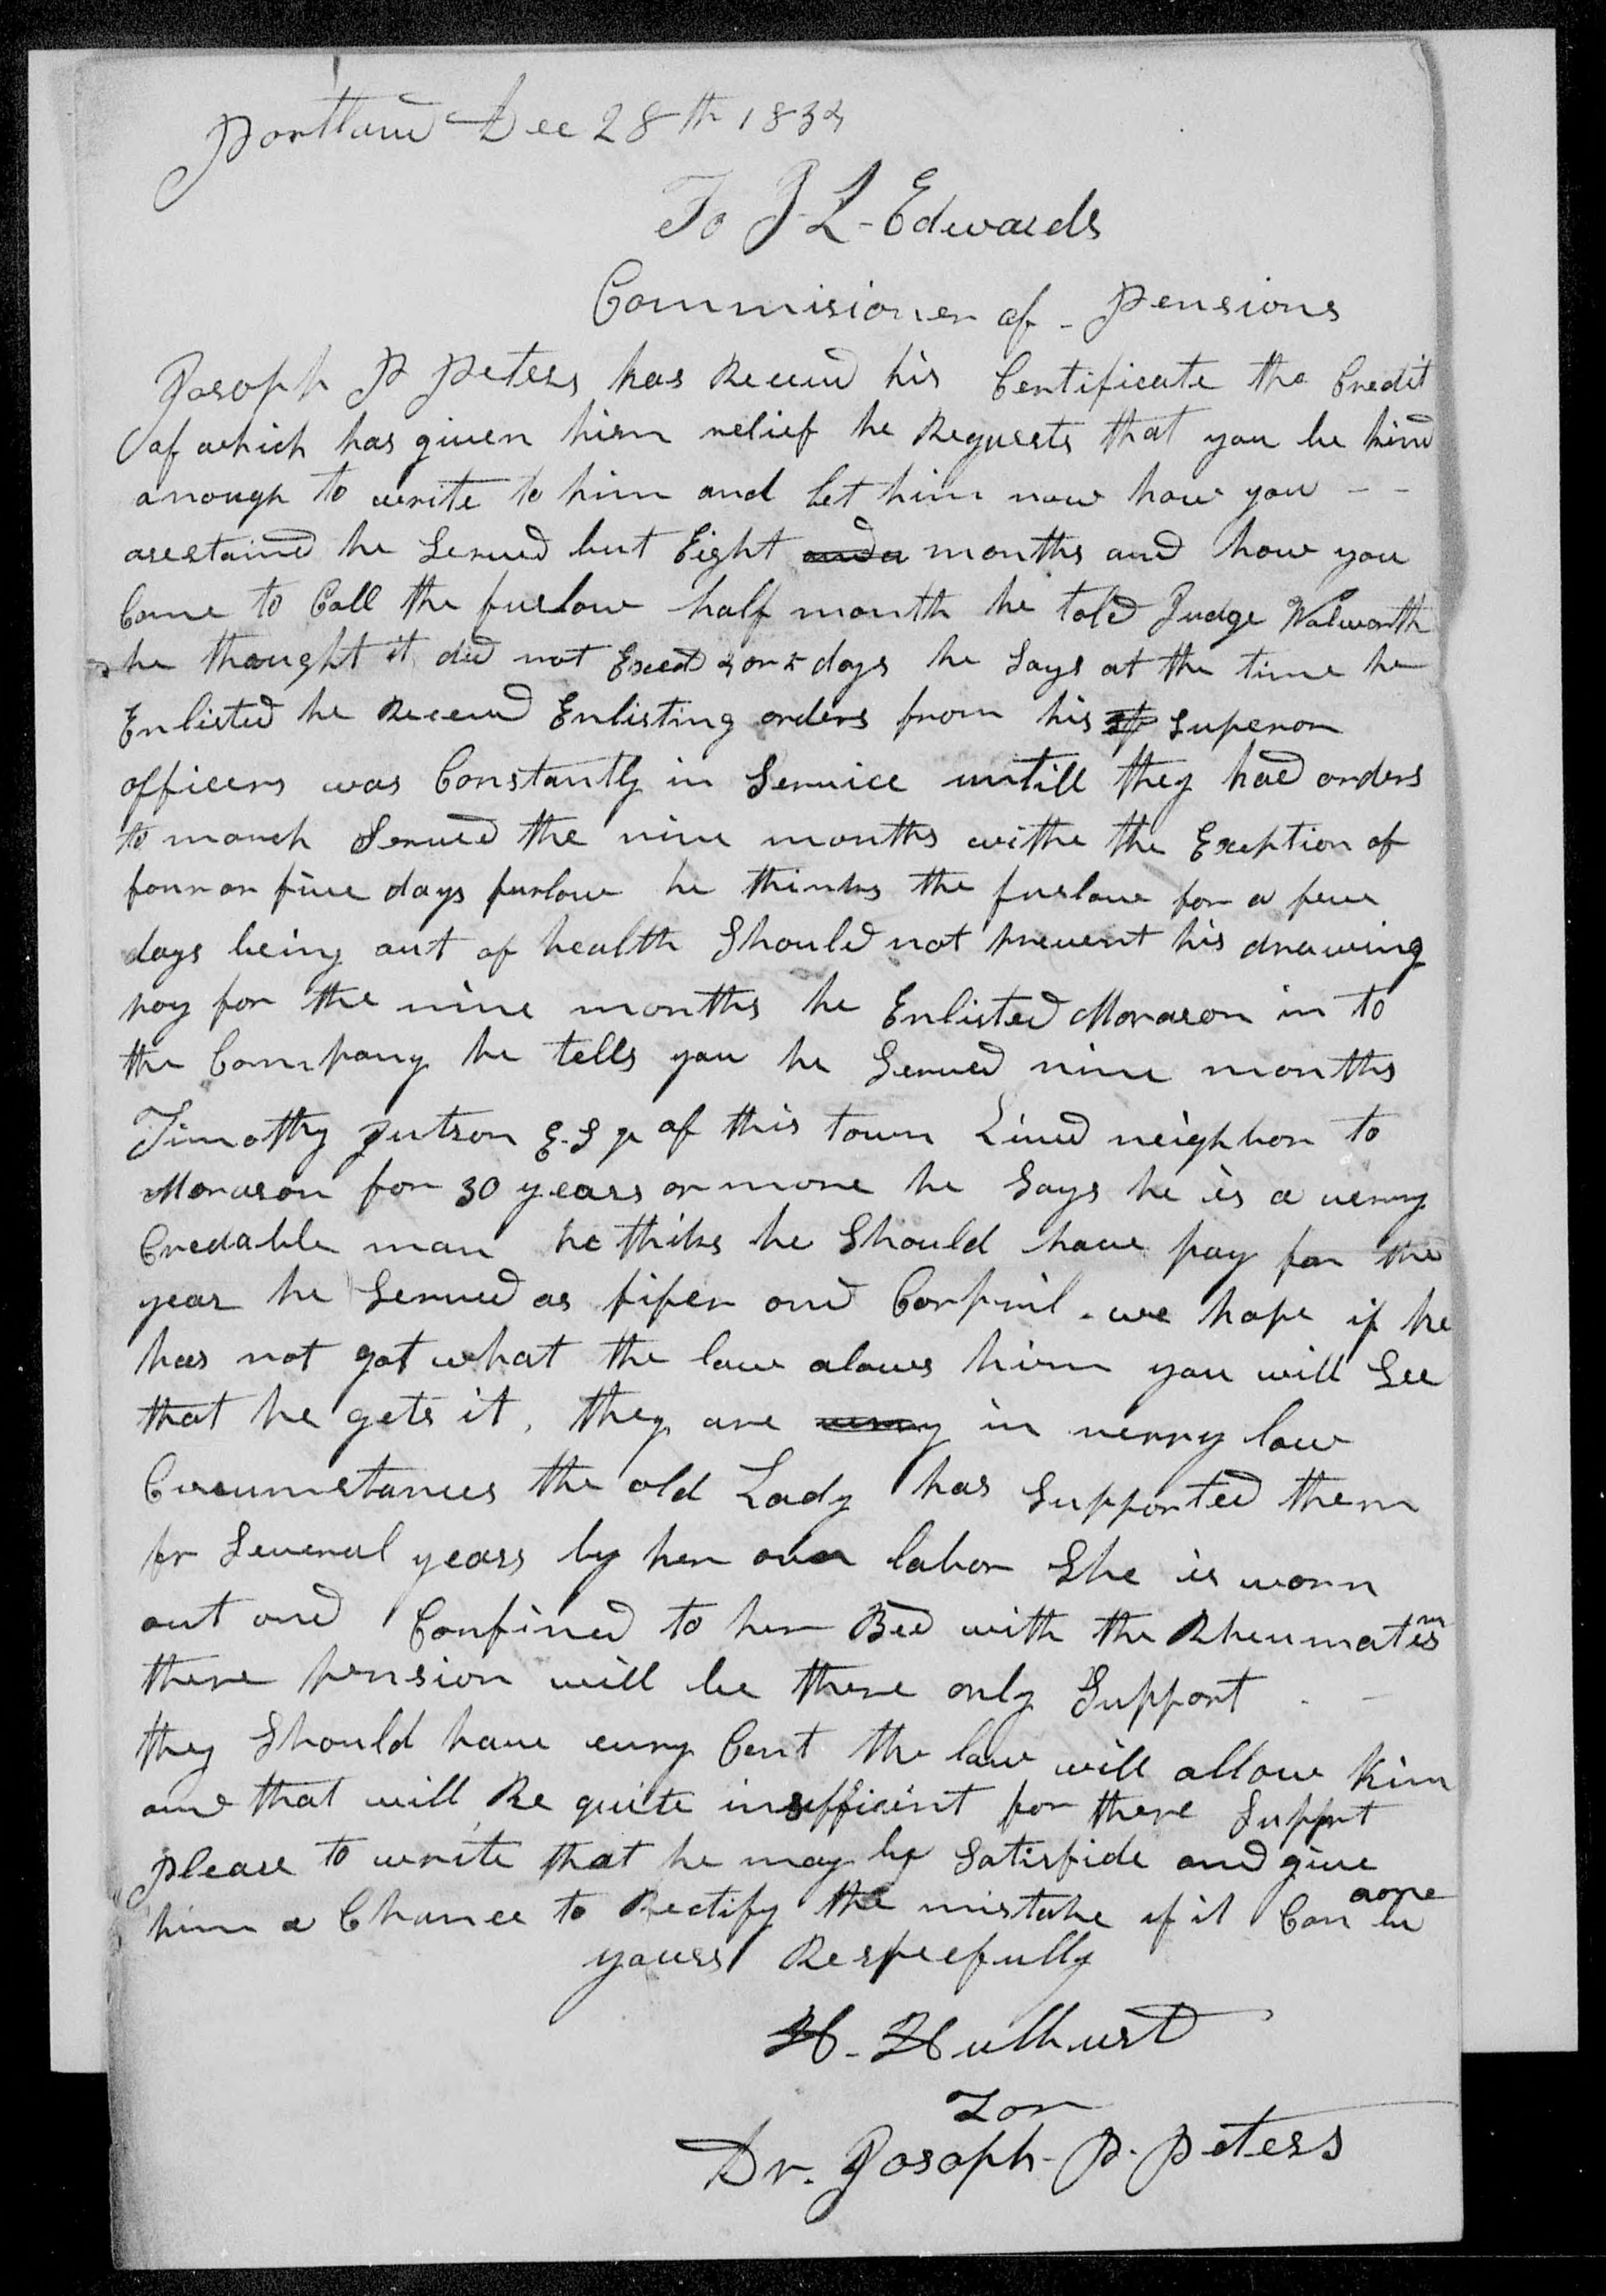Portland Dec 28th 1832 
To J L Edwards Commissioner of Pensions 
Joseph P Peters has Received his Certificate the Credit of which has given him relief.  He Requests that you be kind enough to write to him and let him now how you sustained he served but Eight months and how you come to call the furlow [furlough] half month he told Judge Walworth he thought it did not exceed 3 or 4 days he says at the time he enlisted he received Enlisting orders from his superior officers was constantly in service untill they had orders to march, served the nine months with the exception of four or five days furlow he thinks the furlow for a few days being out of health should not prevent his drawing pay for the nine months. He Enlisted Moreson in to the Company, he tells you he served nine months. Timothy Jutson Esq of this town kind neighbor to Moreson for 30 years or more he says he is a very Credible man, he this he should have pay for the year he served as fifer and Corporil, we hope if he has not got what the law allows him you will see that he gets it, They are in verry low circumstances, the old Lady has supported them or several years by her own labor, she is worn out and confined to her Bed with the Rheumatism, there pension will be there only support, they should have every cent the law will allow him and that will be quite insufficient for there support.  Please to write that he may by Satisfied and give done him a chance to rectify the mistake of it can be done.
yours Respecfully
H Hulburt 
Son Dr. Joseph P. Peters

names: H Hulburt; Timothy Jutson; [BLANK] Walworth; Joseph P Peters; J L Edwards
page: 63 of 73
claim: widow's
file: W. 2338, for Joseph P Peters, Connecticut